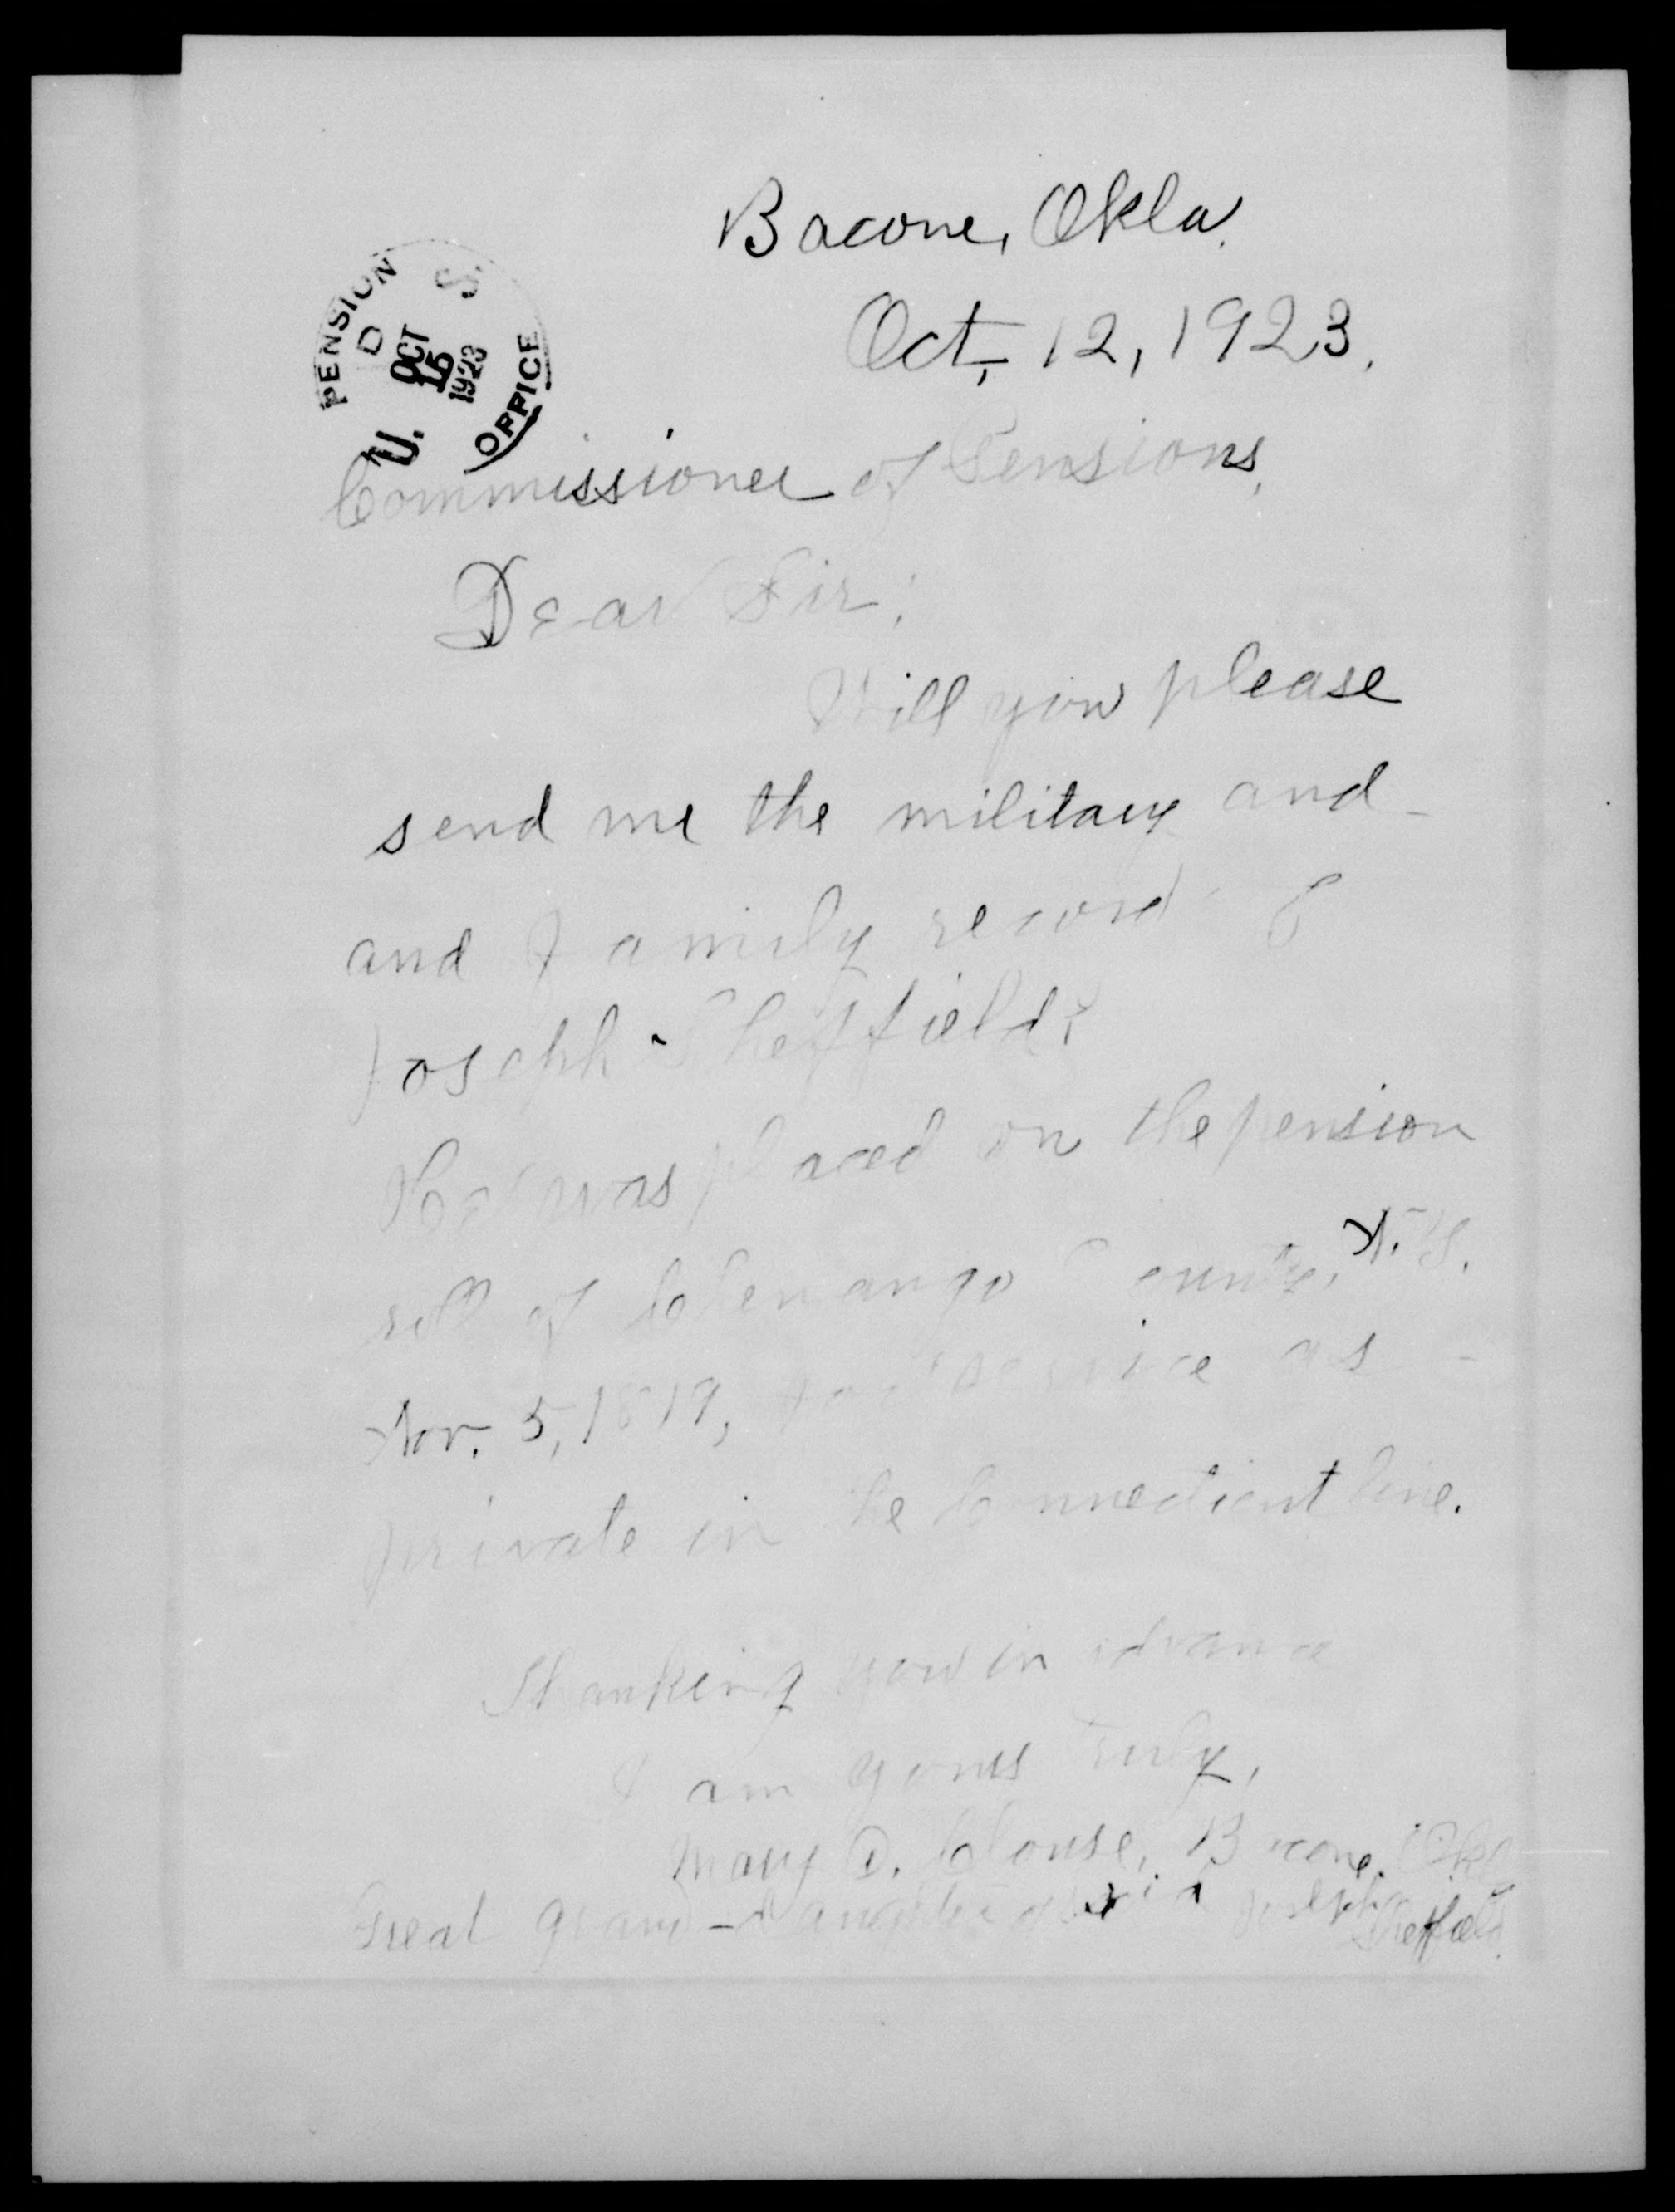Bacone, Okla
Oct. 12, 1923
Commissioner of Pensions
Dear Sir
Will you please send me the military
and  and family record of Joseph Sheffield
He was placed on the pension roll
of Chenango county, NY Nov. 5, 1819 for service as
a private in the Connecticut line
Thanking you in advance
I am yours in
Mary D. Clouse, Bacone Okla
Great granddaughter of Joseph Sheffield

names: Joseph Sheffield; Joseph Sheffield; Mary D Clouse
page: 17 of 25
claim: survivor's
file: S. 42,272, for Joseph Sheffield, Connecticut